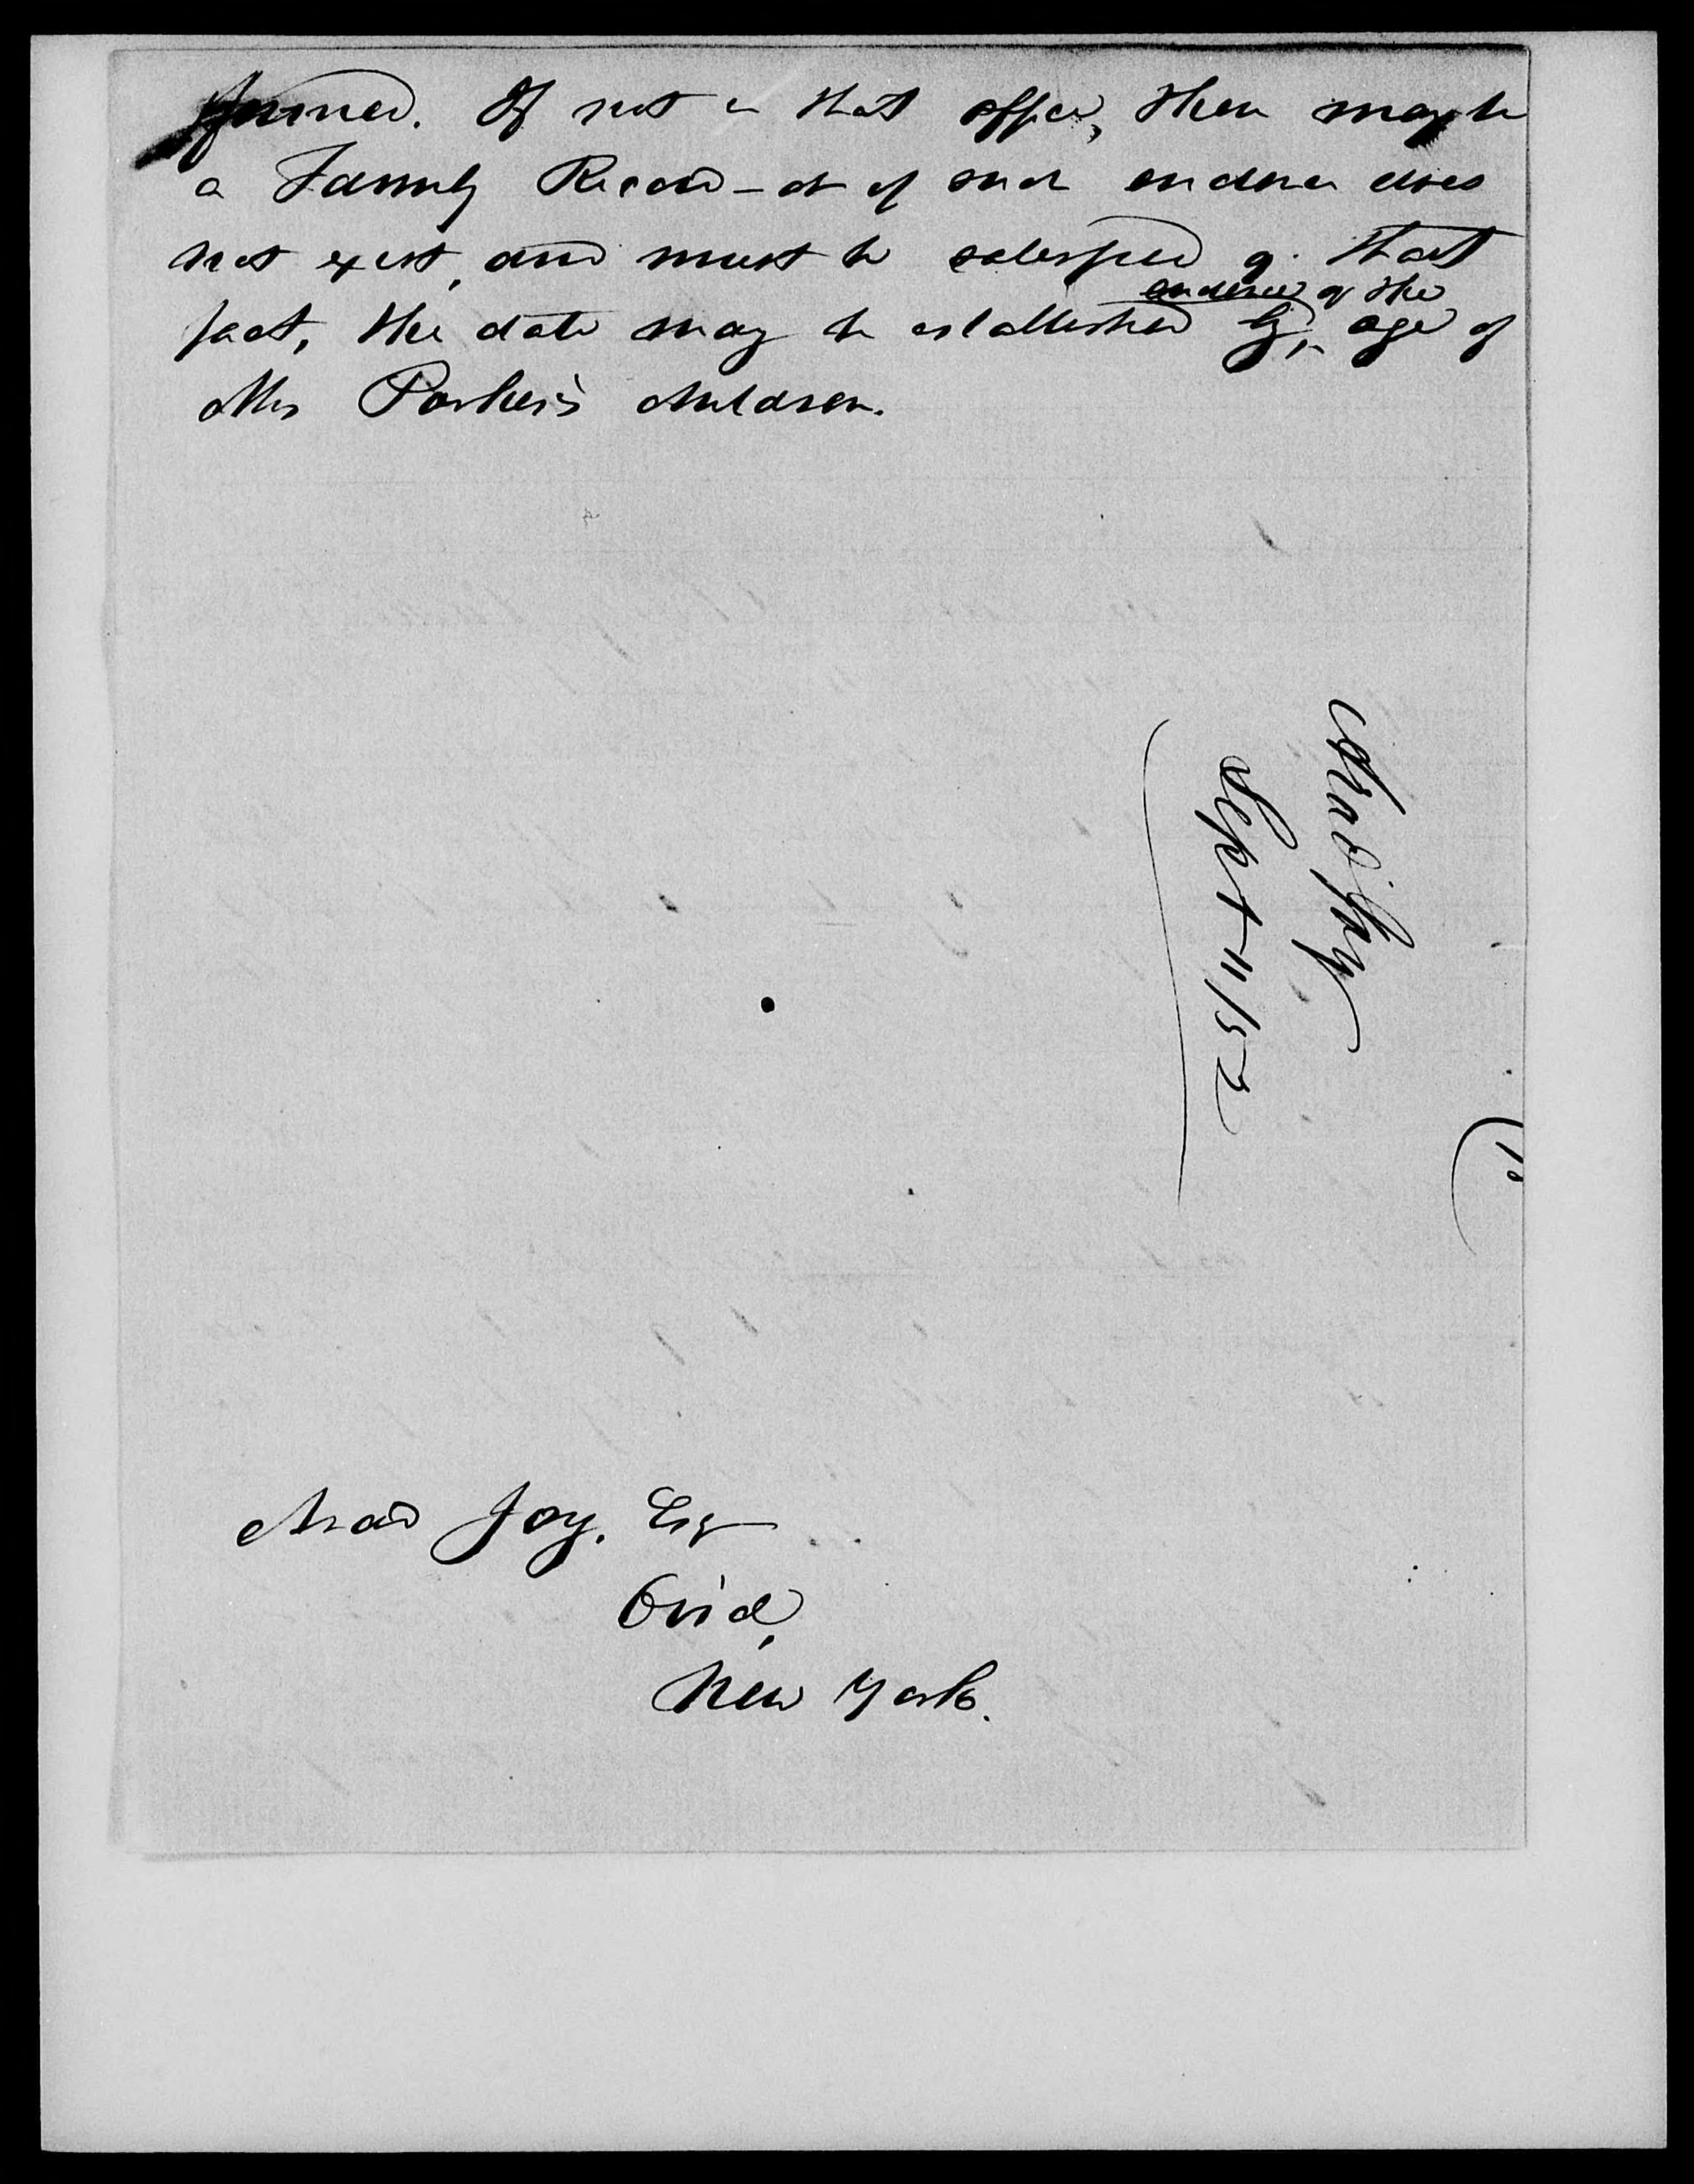[illegible]. If not in that office, then maybe a Family Record, or of if one record does not exist, [illegible] must be satisfied of that fact, the date may be established by the age of Mrs. Parker's children.

//s// Arad Joy Esq.
Ovid,
New York

[The following is written vertically down the right margin]
Arad Joy
Sept 11 /52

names: [BLANK] Parker; Arad Joy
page: 37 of 40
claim: widow's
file: W. 3,588, for John Parker, Pennsylvania